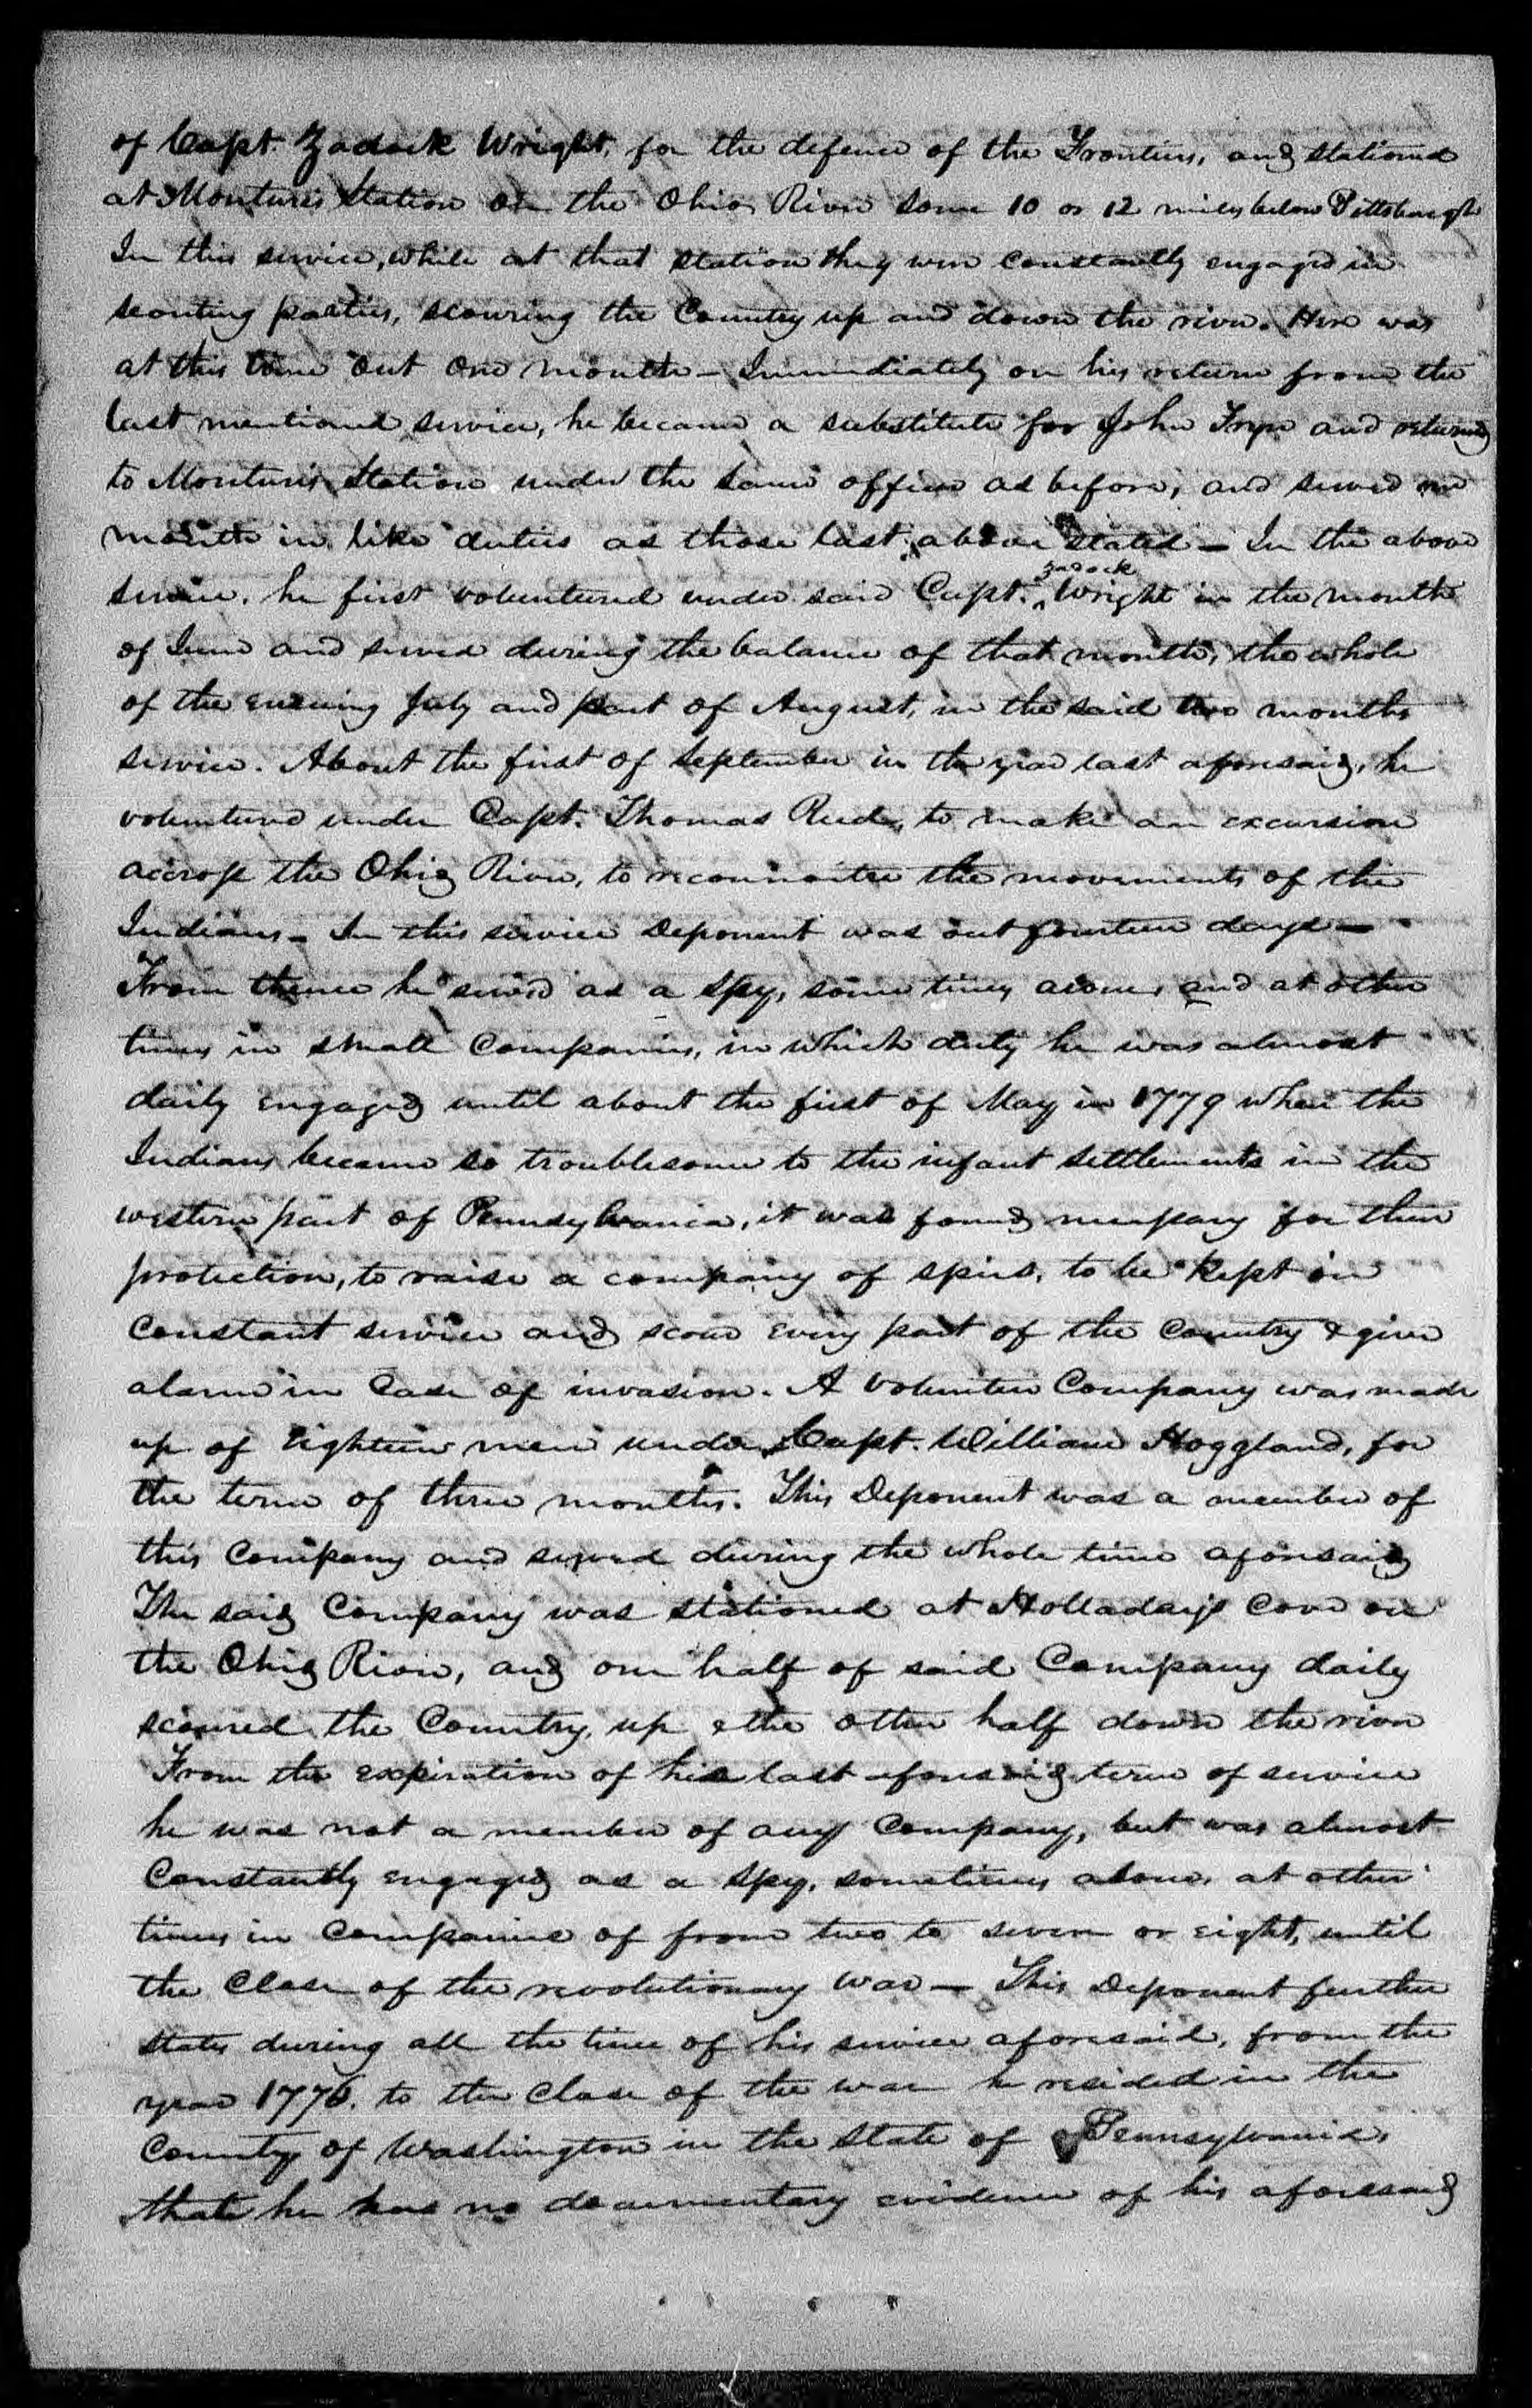of Capt Zadock Wright, for the defence of the Frontiers, and stationed at Monturis Station on the Ohio River some 10 or 12 miles below Pittsburgh In this service, while at that station they were constantly engaged in scouting parties, scouring the country up and down the river. Here was at this time out one month. Immediately on his return from the last mentioned service, he became a substitute for John Fryn and turned to Monturis Station under the same officers as before, and served and month in like duties as those last above stated. In the above service, he first volunteered under said Capt Zadock Wright in the month of June and served during the balance of that month, the whole of the ensuing July and part of August, in the said two months service. About the first of September in the year last aforesaid, he volunteered under Capt. Thomas Reed to make an excursion across the Ohio River, to reconnoiter the movements of the Indians - In this service Deponent was out fourteen days from thence he served as a spy, some times alone, and at other times in small companies in which duty he was almost daily engaged until about the first of May in 1779 when the Indians became so troublesome to the infant settlements in the western part of Pennsylvania, it was found necessary for the protection, to raise a company of Spies, to be kept in constant service and scour every part of the country & give alarm in case of invasion. A volunteer Company was made of Eighteen men under Capt. William Hoggland, for the term of three months. This Deponent was a member of this company and served during the whole time aforesaid the said Company was stationed at Holladay's Cove on the Ohio River, and one half of said Company daily scoured the country up & the other half down the river From the expiration of his last aforesaid term of service he was not a member of any company, but was almost constantly engaged as a spy, sometimes alone at other time in companies of from two to seven or eight, until the close of the revolutionary War. This Deponent further States during all the time of his service aforesaid, from the year 1776 to the close of the war he resided in the County of Washington in the State of Pennsylvania that he has no documentary evidence of his aforesaid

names: Zadock Wright, William Hoggland, Thomas Reed, Zadock Wright, John Fryn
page: 5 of 18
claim: survivor's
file: S. 3151, Freegift Chamberlain, Penn.